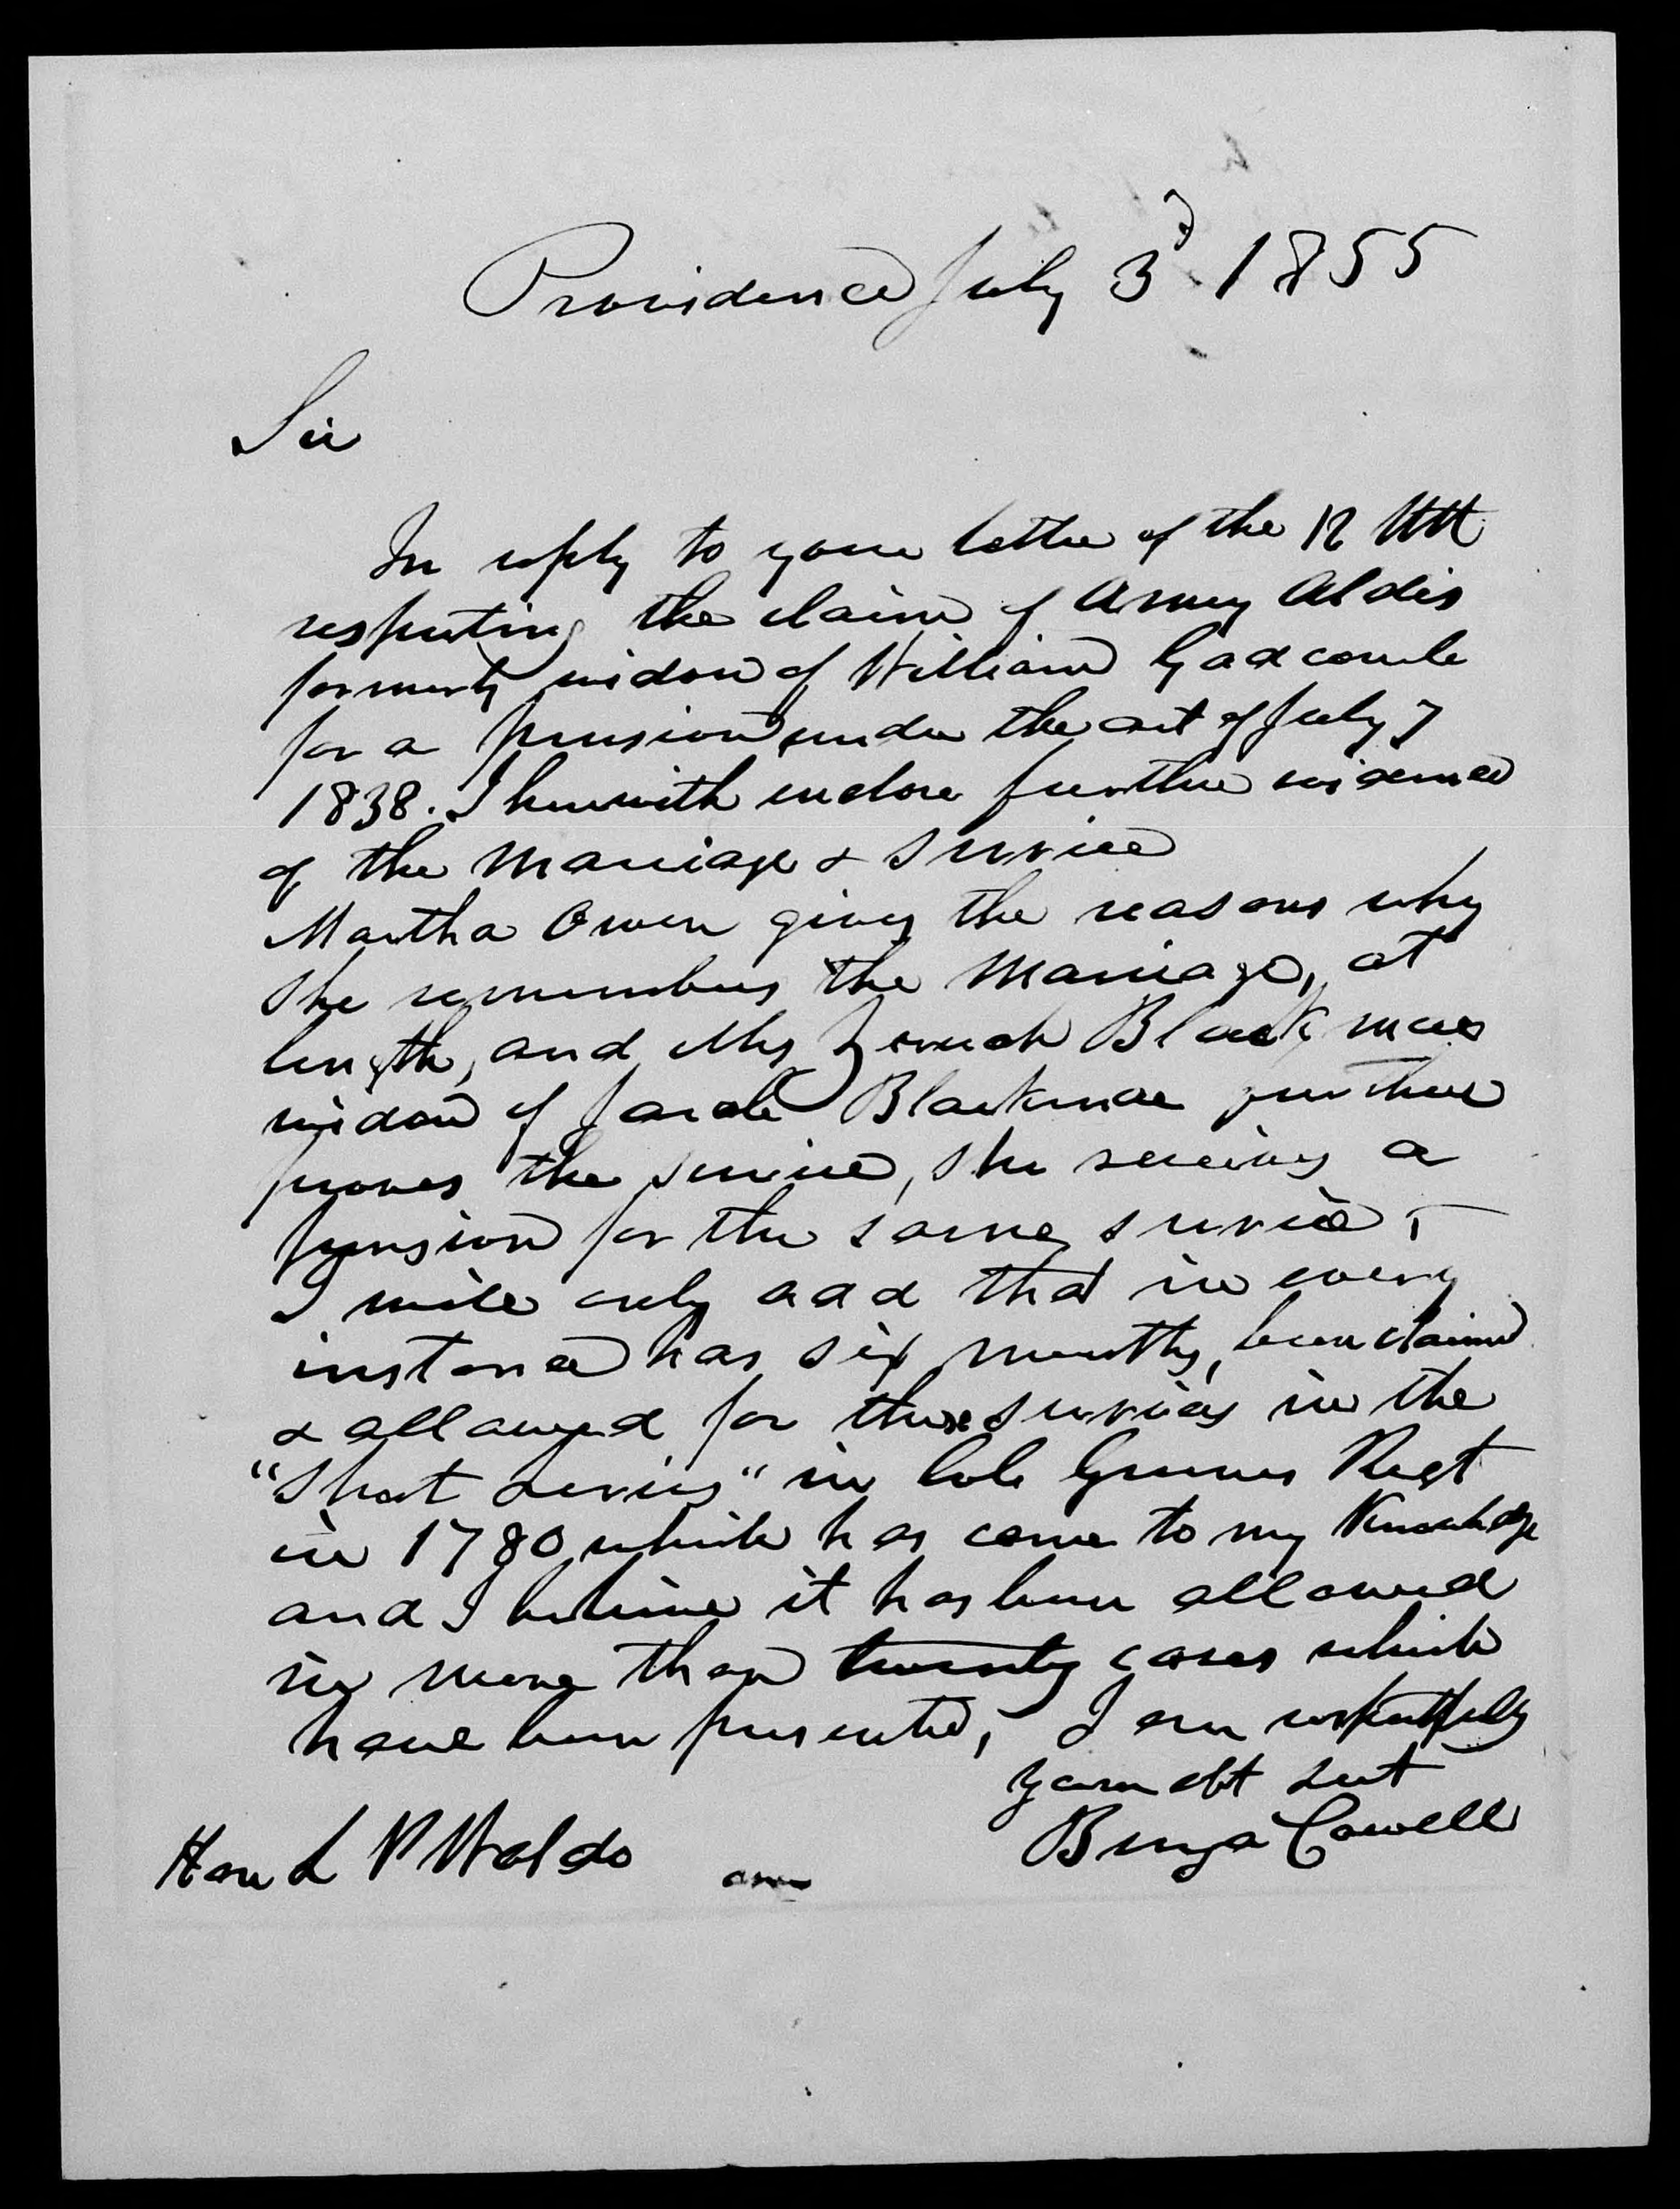Providence July 3d 1855
Sir
In reply to your letter of the 12 that
respecting the claim of Amey Aldis
formerly widow of William Gadcomb for
a pension under the act of July 7
1838 I herewith enclose further evidence 
of the Marriage & service. 
Martha Owen gives the reasons why
she remembers the Marriage, at 
length, and Mrs. Zeniah Blackman 
Widow of Jacob Blackman further
proves the service, she seeking a 
pension for the same service.
I will only add that in every
instance has six months, been claimed
& allowed for the services in the
“short [illegible]” in Col Greenes Regt
in 1780 which has come to my knowledge
and I believe it has been allowed
in more than twenty cases which
have been presented.
I am respectfully
Your obt sert
Benja Cowell
Hon. L. P. Waldo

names: Jacob Blackmar, L P Waldo, Martha Owen, Benja Cowell, Amey Aldis, William Gadcomb, Zeruah Blackmar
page: 28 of 76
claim: widow's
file: W. 15,517, William Gadcomb, R.I.